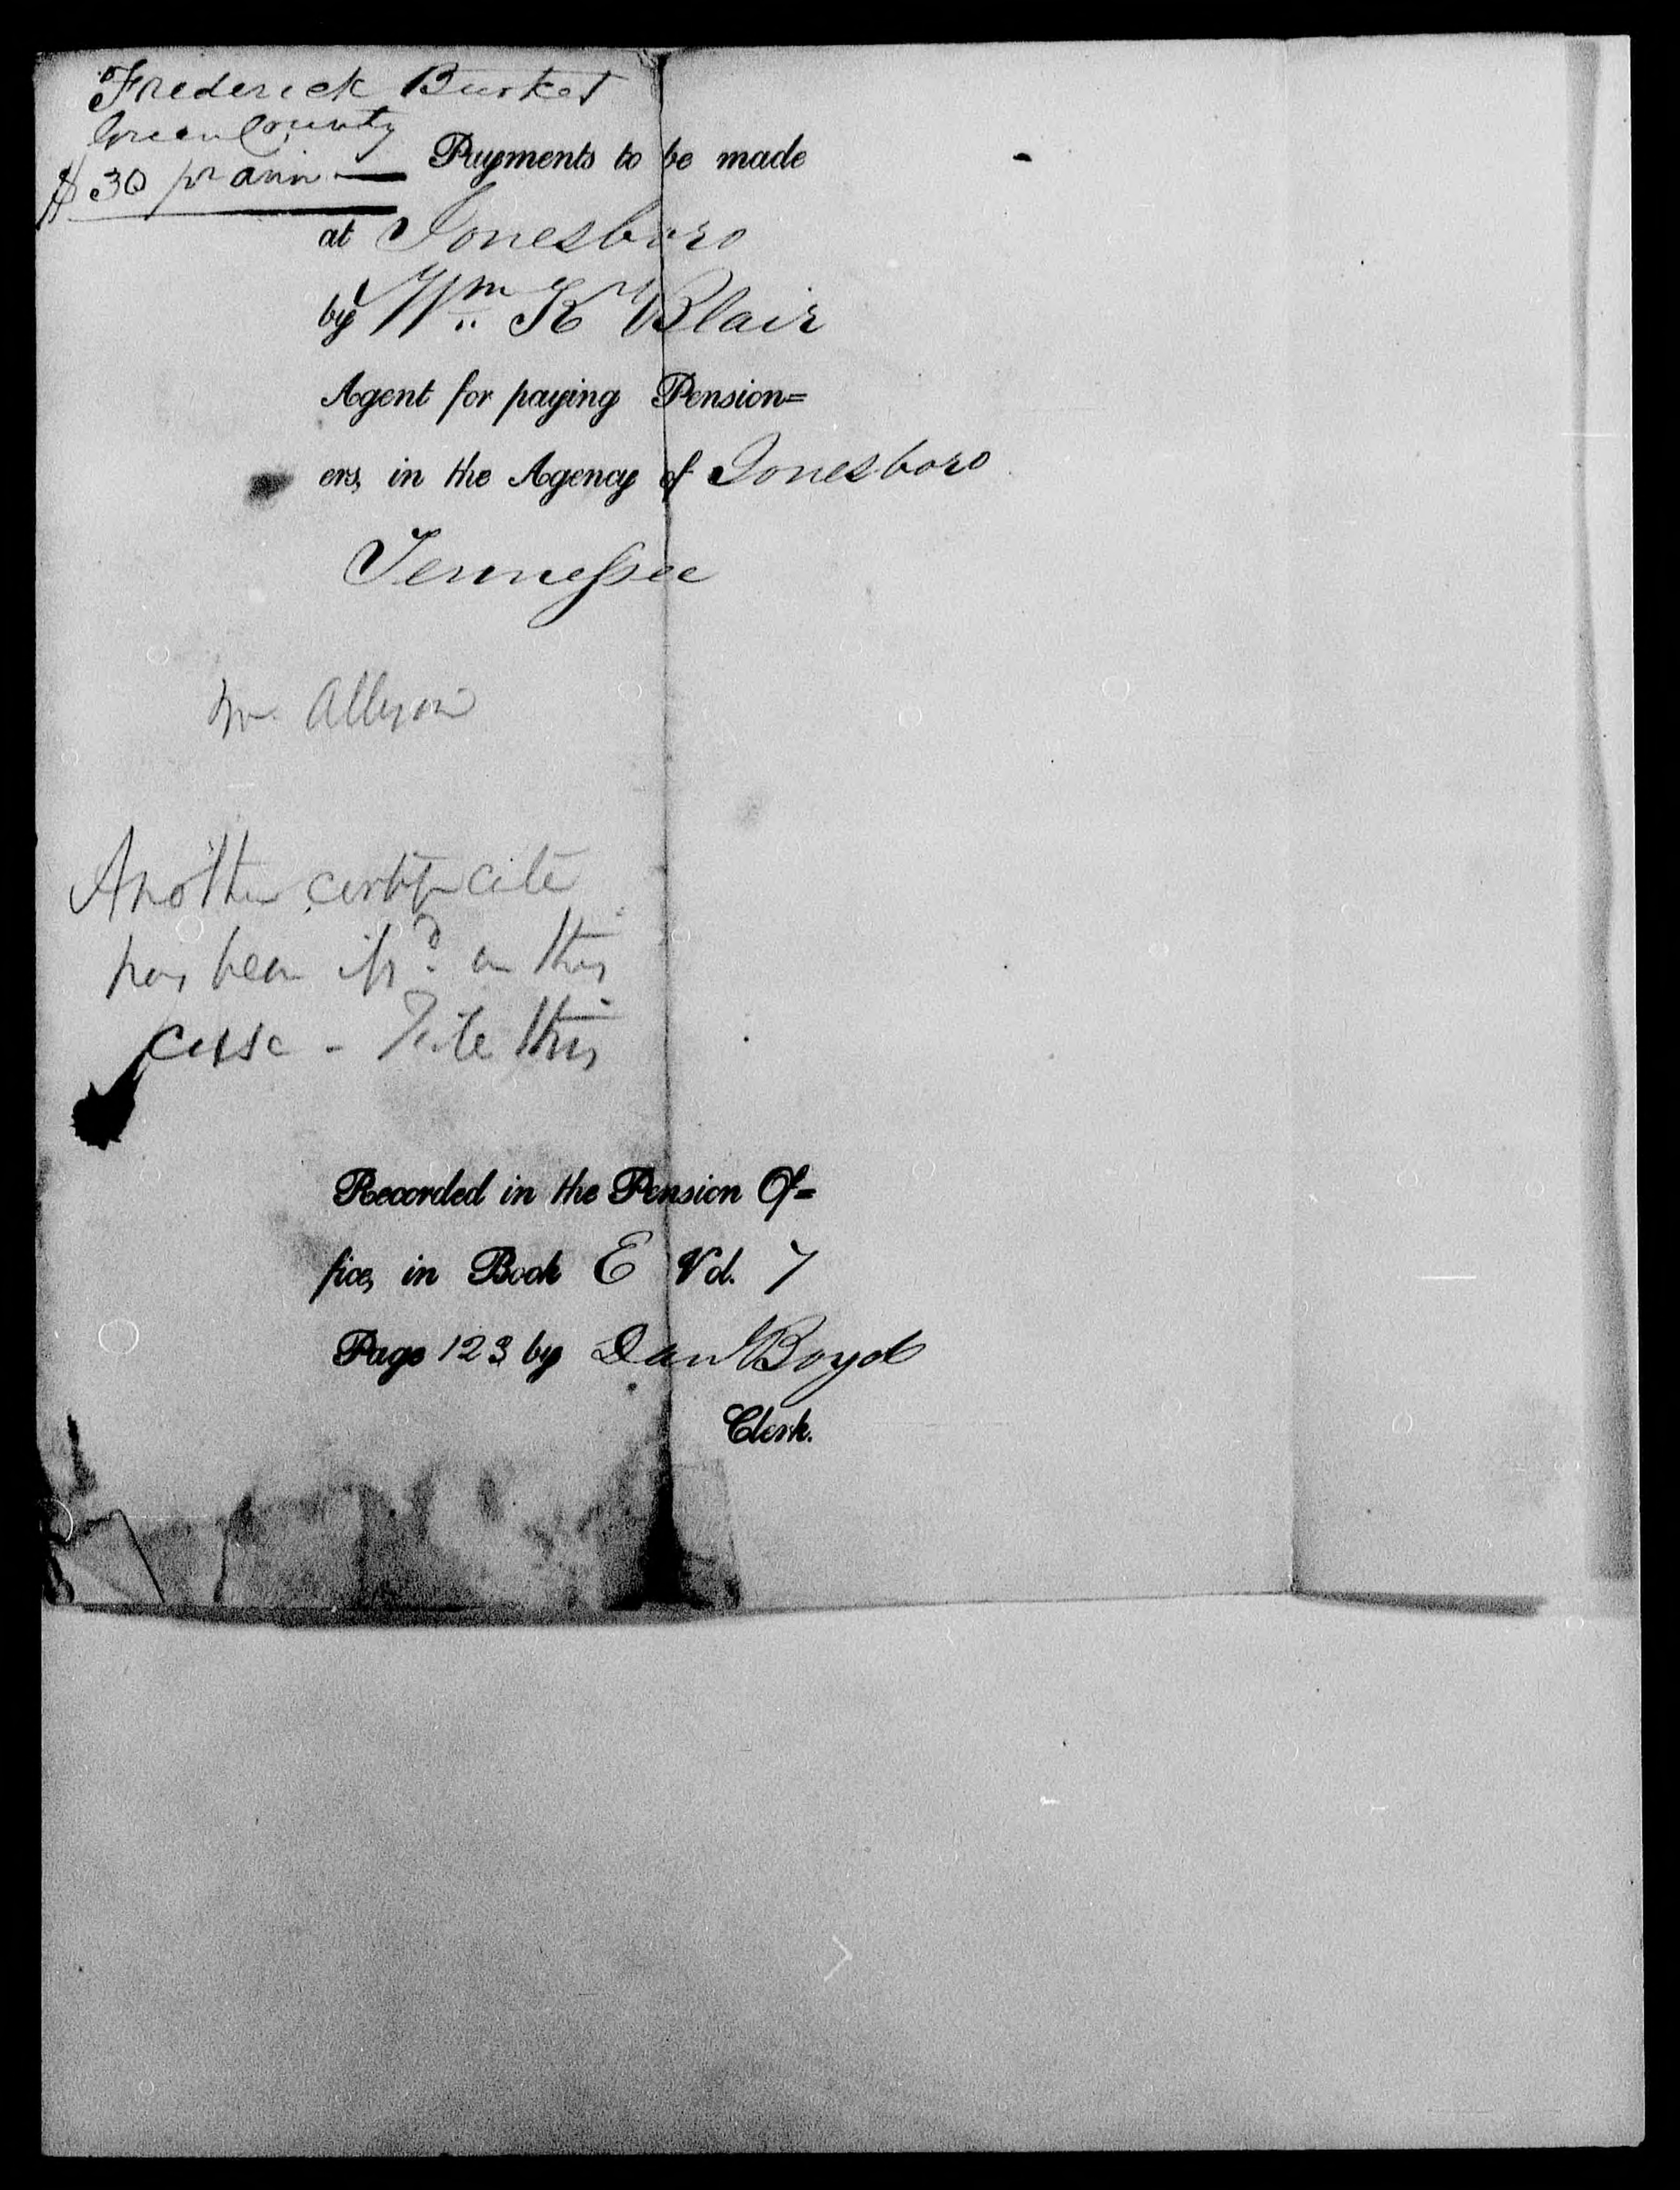Frederick Burket
Green County
$30 pr ann –
Payments to be made at Jonesboro
By Wm. K Blair
Agent of paying Pension=
ers in the Agency of Jonesboro
Tennessee

Mr. Allison

Another certificate 
has been hd a this
case – [illegible] this

Recorded in the Pension Of=
fice, in Book E Vol 7
Page 123 by Dan Boyd
Clerk.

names: Frederick Burket, Wm K Blair, Allison, Danl Boyd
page: 23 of 47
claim: survivor's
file: S. 3102, Frederick Burket, Va.